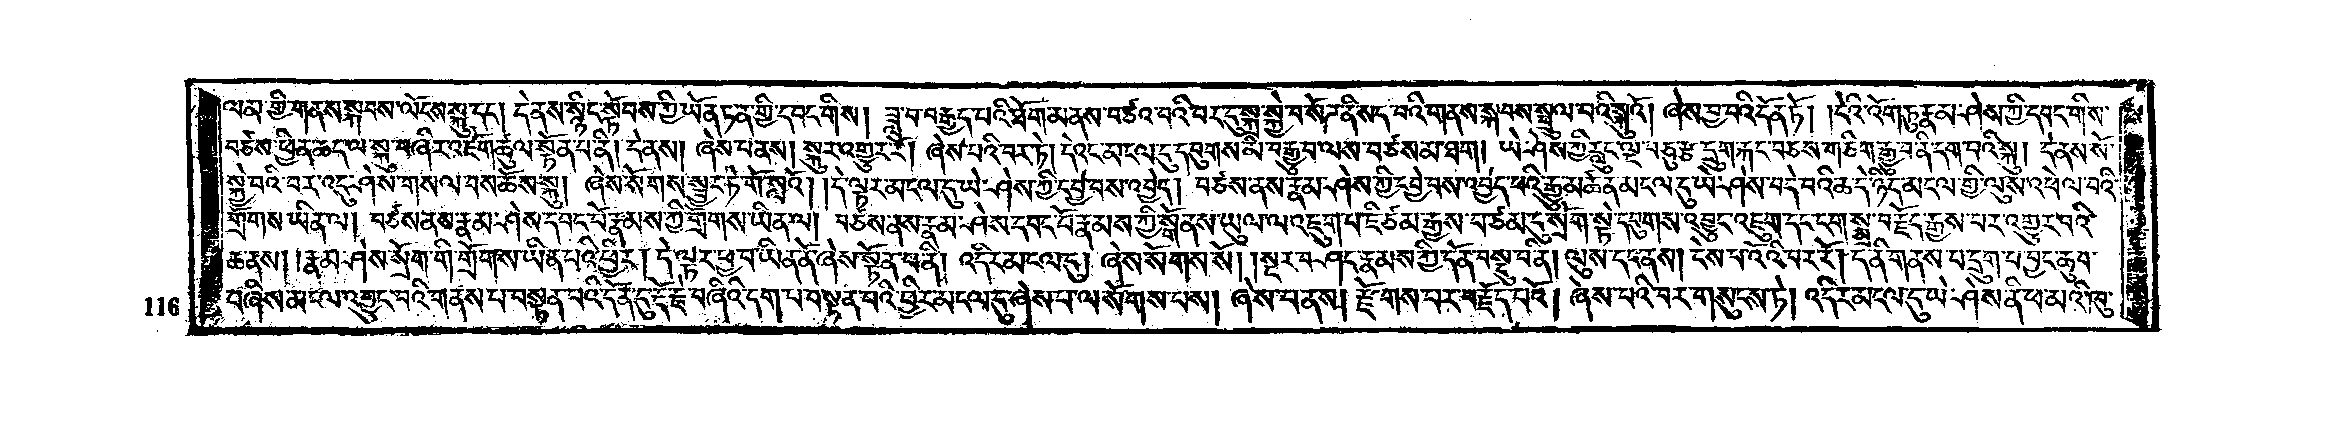ལམ་གྱི་གནས་སྐབས་ལོངས་སྐུ་དང་། དེ་ནས་སྙིང་སྟོབས་ཀྱི་ཡོན་ཏན་གྱི་དབང་གིས། ཟླ་བ་བརྒྱད་པའི་ཐོག་མ་ནས་བཙའ་བའི་བར་དུ་སྐྲ་སྐྱེ་བ་སོགས་ནི་སད་པའི་གནས་སྐབས་སྤྲུལ་པའི་སྐུའོ། ཞེས་བྱ་བའི་དོན་ཏོ། །དེའི་འོག་ཏུ་རྣམ་ཤེས་ཀྱི་དབང་གིས་
བཙས་ཕྱིན་ཆད་ལ་སྐུ་བཞིར་འཇོག་ཚུལ་སྟོན་པ་ནི། དེ་ནས། ཞེས་པ་ནས། སྐུར་འགྱུར་རོ། ཞེས་པའི་བར་ཏེ། དེའང་མངལ་དུ་དབུགས་མི་བརྒྱུ་བ་ལས་བཙས་མ་ཐག །ཡེ་ཤེས་ཀྱི་རླུང་ལྔ་བཅུ་རྩ་དྲུག་རྐང་བཅས་གཅིག་རྒྱུ་བ་ནི་དག་པའི་སྐུ། དེ་ནས་སོ་
སྐྱེ་བའི་བར་འདུ་ཤེས་གསལ་བས་ཆོས་སྐུ། ཞེས་སོགས་སྦྱར་ཏེ་གོ་སླའོ། །དེ་ལྟར་མངལ་དུ་ཡེ་ཤེས་ཀྱི་དབྱེ་བས་འབྱེད། བཙས་ནས་རྣམ་ཤེས་ཀྱི་དབྱེ་བས་འབྱེད་པའི་རྒྱུ་མཚན་མངལ་དུ་ཡེ་ཤེས་བདེ་བའི་ཆ་དེ་ཉིད་མངལ་གྱི་ལུས་འཕེལ་བའི་
གྲོགས་ཡིན་ལ། བཙས་ནས་རྣམ་ཤེས་དབང་པོ་རྣམས་ཀྱི་གྲོགས་ཡིན་ལ། བཙས་ནས་རྣམ་ཤེས་དབང་པོ་རྣམས་ཀྱི་སྒོ་ནས་ཡུལ་ལ་འཇུག་པ་ཇི་ཙམ་རྒྱས་པ་ཙམ་དུ་སྲོག་སྟེ་དབུགས་འབྱུང་འཇུག་དང་ངག་སྨྲ་བརྗོད་རྒྱས་པར་འགྱུར་བའི་
ཆ་ནས། །རྣམ་ཤེས་སྲོག་གི་གྲོགས་ཡིན་པའི་ཕྱིར། དེ་ལྟར་ཕྱེ་བ་ཡིན་ནོ་ཞེས་སྟོན་པ་ནི། འདིར་མངལ་དུ། ཞེས་སོགས་སོ། །སྔར་བཤད་རྣམས་ཀྱི་དོན་བསྡུ་བ་ནི། ལུས་དང་ནས། ངེས་པ་འོའི་བར་རོ། ད་ནི་གནས་པ་དྲུག་པ་བྱང་ཆུབ་
བཞིས་མངལ་འབྱུང་བའི་གནས་པ་བསྟན་པའི་དོན་དུ་རྡོ་རྗེ་བཞིའི་དག་པ་བསྟན་པའི་ཕྱིར་མངལ་དུ་ཞེས་པ་ལ་སོགས་པས། ཞེས་པ་ནས། རྫོགས་པར་བརྗོད་པའོ། ཞེས་པའི་བར་གསུངས་ཏེ། འདིར་མངལ་དུ་ཡེ་ཤེས་ནི་ཕ་མའི་ཁུ་